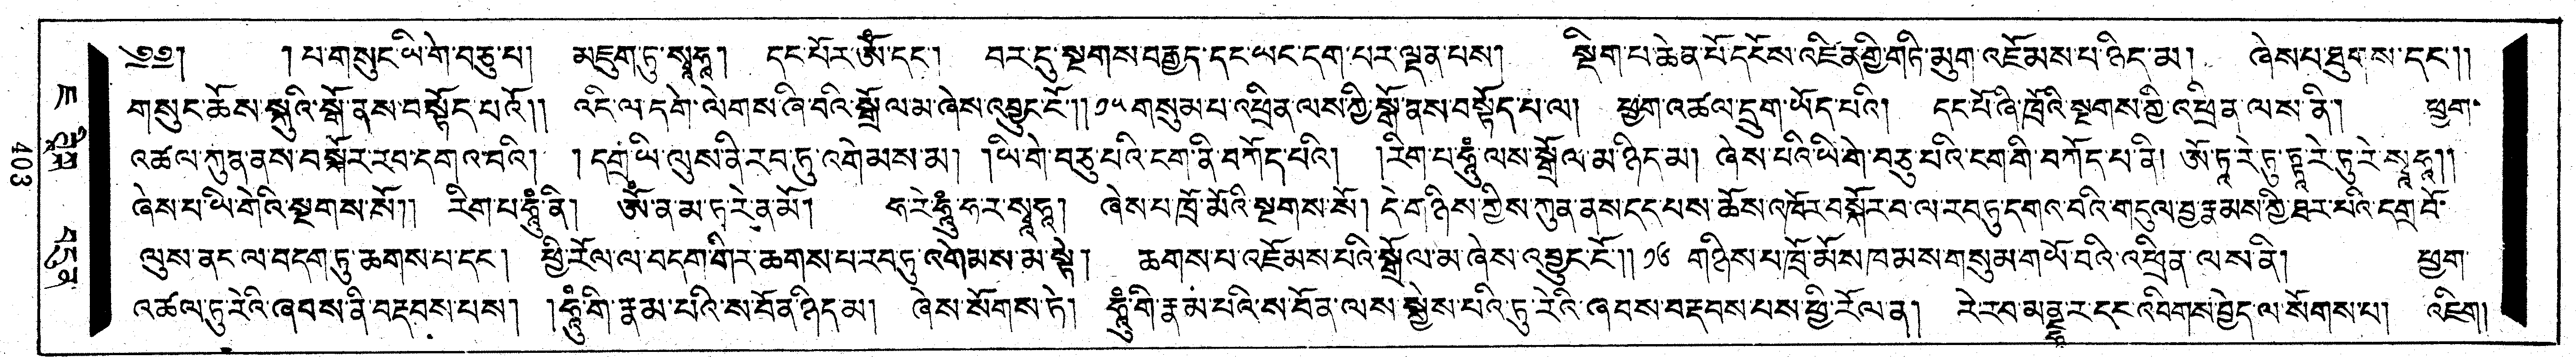༄༅། །པ་གསུང་ཡི་གེ་བཅུ་པ། མཇུག་ཏུ་སྭཱ་ཧཱ། དང་པོར་ཨོཾ་དང་། བར་དུ་སྔགས་བརྒྱད་དང་ཡང་དག་པར་ལྡན་པས། སྡིག་པ་ཆེན་པོ་དངོས་འཛིན་གྱི་གཏི་མུག་འཇོམས་པ་ཉིད་མ། ཞེས་པ་ཐུགས་དང།།
གསུང་ཆོས་སྐུའི་སྒོ་ནས་བསྟོད་པའོ།། འདི་ལ་དགེ་ལེགས་ཞི་བའི་སྒྲོལ་མ་ཞེས་འབྱུང་ངོ།། ༡༥་གསུམ་པ་འཕྲིན་ལས་ཀྱི་སྒོ་ནས་བསྟོད་པ་ལ། ཕྱག་འཚལ་དྲུག་ཡོད་པའི། དང་པོ་ཞི་ཁྲོའི་སྔགས་ཀྱི་འཕྲིན་ལས་ནི། ཕྱག་
འཚལ་ཀུན་ནས་བསྐོར་རབ་དགའ་བའི། །དགྲ་ཡི་ལུས་ནི་རབ་ཏུ་འགེམས་མ། །ཡི་གེ་བཅུ་པའི་ངག་ནི་བཀོད་པའི། །རིག་པ་ཧཱུཾ་ལས་སྒྲོལ་མ་ཉིད་མ། ཞེས་པའི་ཡི་གེ་བཅུ་པའི་ངག་གི་བཀོད་པ་ནི། ཨོཾ་ཏཱ་རེ་ཏུ་ཏྟཱ་རེ་ཏུ་རེ་སྭཱ་ཧཱ།།
ཞེས་པ་ཡི་གེའི་སྔགས་སོ།། རིག་པ་ཧཱུཾ་ནི། ཨོཾ་ན་མ་ཏ་རེ་ན་མོ། ཧ་རེ་ཧཱུཾ་ཧ་ར་སྭཱ་ཧཱ། ཞེས་པ་ཁྲོ་མོའི་སྔགས་སོ། དེ་གཉིས་ཀྱིས་ཀུན་ནས་དད་པས་ཆོས་འཁོར་བསྐོར་བ་ལ་རབ་ཏུ་དགའ་བའི་གདུལ་བྱ་རྣམས་ཀྱི་ཐར་པའི་དགྲ་བོ་
ལུས་ནང་ལ་བདག་ཏུ་ཆགས་པ་དང་། ཕྱི་རོལ་ལ་བདག་གིར་ཆགས་པ་རབ་ཏུ་འགེམས་མ་སྟེ། ཆགས་པ་འཇོམས་པའི་སྒྲོལ་མ་ཞེས་འབྱུང་ངོ།། ༡༦་གཉིས་པ་ཁྲོ་མོས་ཁམས་གསུམ་གཡོ་བའི་འཕྲིན་ལས་ནི། ཕྱག་
འཚལ་ཏུ་རེའི་ཞབས་ནི་བརྡབས་པས། །ཧཱུཾ་གི་རྣམ་པའི་ས་བོན་ཉིད་མ། ཞེས་སོགས་ཏེ། ཧཱུཾ་གི་རྣམ་པའི་ས་བོན་ལས་སྐྱེས་པའི་ཏུ་རེའི་ཞབས་བརྡབས་པས་ཕྱི་རོལ་ན། རེ་རབ་མནྡྷ་ར་དང་འབིགས་བྱེད་ལ་སོགས་པ། འཇིག།